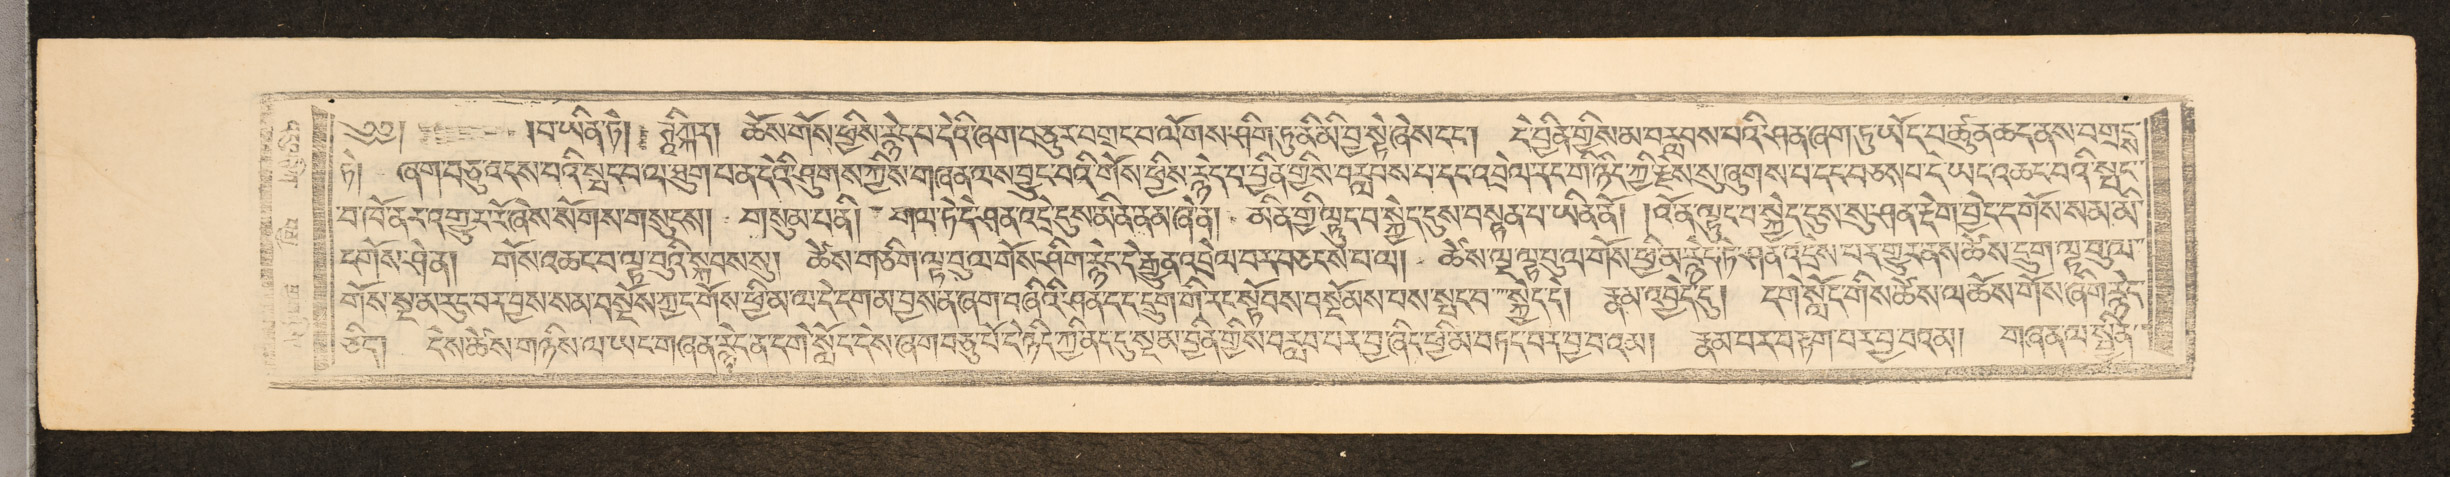༄༅། །པ་ཡིན་ཏེ། ཊཱིཀྐར། ཆོས་གོས་ཕྱིས་རྙེད་པ་དེའི་ཞག་བཅུར་བགྲང་བ་ལོགས་ཤིག་ཏུ་ནི་མི་བྱ་སྟེ་ཞེས་དང་། དེ་བྱིན་གྱིས་མ་བརླབས་པའི་ཤན་ཞག་ཏུ་ཡོད་པ་ཚུན་ཆད་ནས་བགྲངས་
ཏེ། ཞག་བཅུ་འདས་པའི་སྤང་བ་ལ་ཐུག་པ་ན་དེའི་ཤུགས་ཀྱིས་གཞན་ལས་བྱུང་བའི་གོས་ཕྱིས་རྙེད་པ་བྱིན་གྱིས་བརླབས་པ་དང་འབྲེལ་རང་གི་ཉིད་ཀྱི་རྗེས་སུ་ཞུགས་པ་དང་བཅས་པ་དེ་ཡང་འཆང་བའི་སྤང་
པ་ཁོ་ནར་འགྱུར་རོ་ཞེས་སོགས་གསུངས། གསུམ་པ་ནི། གལ་ཏེ་དེ་ཤན་འདྲེ་དུས་མིན་ནམ་ཞེ་ན། མིན་གྱི་ལྟུང་བ་སྐྱེད་དུས་བསྟན་པ་ཡིན་ནོ། །འོ་ན་ལྟུང་བ་སྐྱེད་དུས་སུ་ཤན་རྡེག་བྱེད་དགོས་སམ་མི་
དགོས་ཤེ་ན། གོས་འཆང་བ་ལྟ་བུའི་སྐབས་སུ། ཚེས་གཅིག་ལྟ་བུ་ལ་གོས་ཤིག་རྙེད་དེ་རྒྱུན་འབྲེལ་བར་བཅངས་པ་ལ། ཚེས་ལྔ་ལྟ་བུ་ལ་གོས་ཕྱི་མ་རྙེད་ཏེ་ཤན་འདྲེས་པར་གྱུར་ནས་ཚེས་དྲུག་ལྟ་བུ་ལ་
གོས་སྔ་མ་རུང་བར་བྱས་སམ་བསྔོས་ཀྱང་གོས་ཕྱི་མ་ལ་དེ་དག་མ་བྱས་ན་ཞག་བཞིའི་ཤན་དང་དྲུག་གི་རང་སྟོབས་བསྡོམས་པས་སྤང་བ་སྐྱེད་དེ། རྣམ་འབྱེད་དུ། དགེ་སློང་གིས་ཚེས་ལ་ཆོས་གོས་ཞིག་རྙེད་
ཅིང་། དེས་ཚེས་གཉིས་ལ་ཡང་གཞན་རྙེད་ན་དགེ་སློང་དེས་ཞག་བཅུ་པོ་དེ་ཉིད་ཀྱི་ནང་དུ་སྔ་མ་བྱིན་གྱིས་བརླབ་པར་བྱ་ཞིང་ཕྱི་མ་བཏང་བར་བྱ་བའམ། རྣམ་པར་བརྟག་པར་བྱ་བའམ། གཞན་ལ་སྦྱིན་